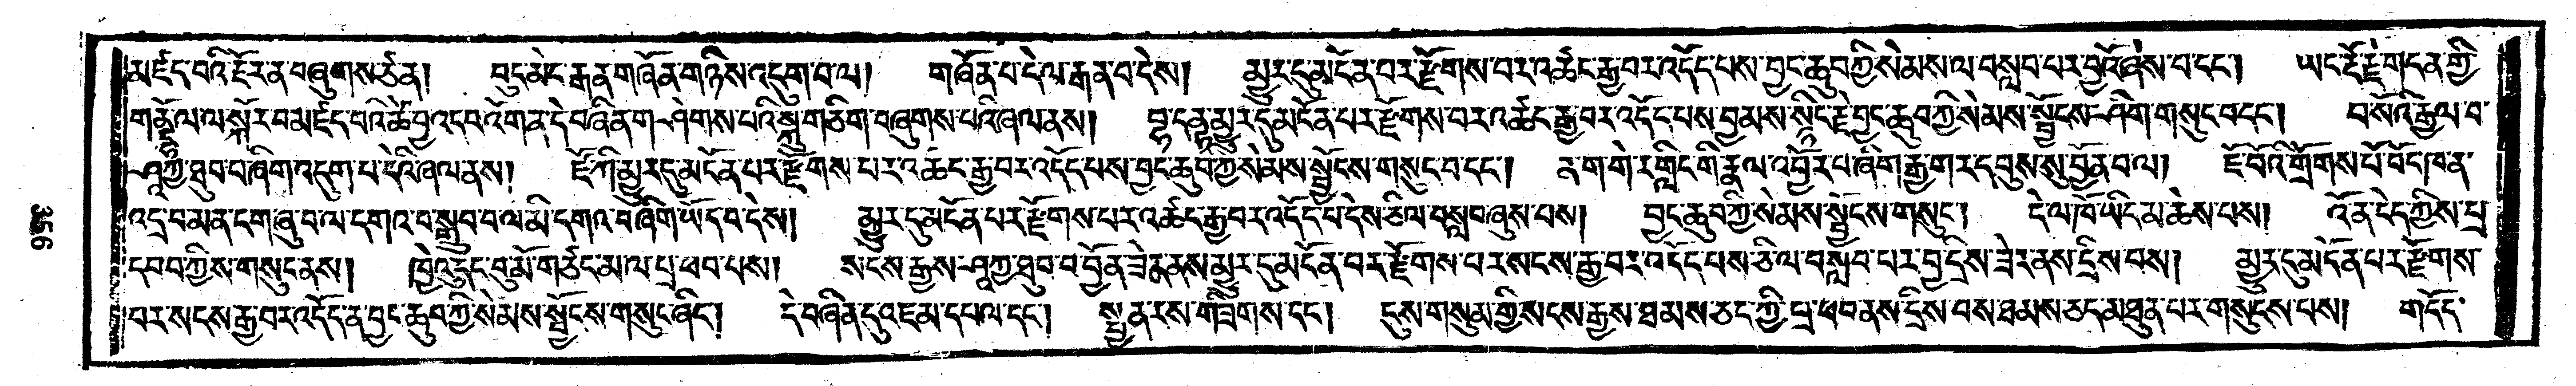མཛད་བའི་རྡོར་ན་བཞུགས་ཙ་ན། བུད་མེད་རྒན་གཞོན་གཉིས་འདུག་བ་ལ། གཞོན་པ་དེ་ལ་རྒན་བ་དེས། མྱུར་དུ་མངོན་བར་རྫོགས་བར་འཚང་རྒྱ་བར་འདོད་པས་བྱང་ཆུབ་ཀྱི་སེམས་ལ་བསླབ་པར་བྱའོ་ཞེས་པ་དང་། ཡང་རྡོ་རྗེ་གདན་གྱི་
གནྡྷོ་ལ་ལ་སྐོར་བ་མཛད་བའི་ཚེ་བྱ་འདབ་འོག་ན་དེ་བཞིན་གཤེགས་པའི་སྐུ་གཅིག་བཞུགས་པའི་ཞལ་ནས། བྷ་དནྟ་མྱུར་དུ་མངོན་པར་རྫོགས་བར་འཚང་རྒྱ་བར་འདོད་པས་བྱམས་སྙིང་རྗེ་བྱང་ཆུབ་ཀྱི་སེམས་སྦྱོངས་ཤིག་གསུང་བ་དང་། བ་སོའི་རྒྱལ་བ་
ཤཱཀྱ་ཐུབ་པ་ཞིག་འདུག་པ་དེའི་ཞལ་ནས། ཛོ་ཀི་མྱུར་དུ་མངོན་པར་རྫོགས་པར་འཚང་རྒྱ་བར་འདོད་པས་བྱང་ཆུབ་ཀྱི་སེམས་སྦྱོངས་གསུང་བ་དང་། ན་ག་གེར་གླིང་གི་རྣལ་འབྱོར་བ་ཞིག་རྒྱ་གར་དབུས་སུ་བྱོན་བ་ལ། ཇོ་བོའི་གྲོགས་པོ་བོང་ཁ་ན་
འདྲ་བ་མན་ངག་ཞུ་བ་ལ་དགའ་བ་སྒྲུབ་བ་ལ་མི་དགའ་བཞིག་ཡོད་བ་དེས། མྱུར་དུ་མངོན་པར་རྫོགས་པར་འཚང་རྒྱ་བར་འདོད་པ་དེས་ཅིལ་བསླབ་ཞུས་པས། བྱང་ཆུབ་ཀྱི་སེམས་སྦྱོངས་གསུང་། དེ་ལ་ཁོ་ཡི་དམ་ཆེས་པས། འོ་ན་ངེད་ཀྱིས་པྲ་
དབབ་ཀྱིས་གསུང་ནས། ཁྱེའུ་དང་བུ་མོ་གཙང་མ་ལ་པྲ་ཕབ་པས། སངས་རྒྱས་ཤཱཀྱ་ཐུབ་བ་བྱོན་ཟེན་ནས་མྱུར་དུ་མངོན་བར་རྫོགས་པར་སངས་རྒྱས་བར་འདོད་པས་ཅི་ལ་བསློབ་པར་བྱ་དྲིས་ཟེར་ནས་དྲིས་པས། མྱུར་དུ་མངོན་པར་རྫོགས་
པར་སངས་རྒྱ་བར་འདོད་ན་བྱང་ཆུབ་ཀྱི་སེམས་སྦྱོངས་གསུང་ཞིང་། དེ་བཞིན་དུ་འཇམ་དཔལ་དང་། སྤྱན་རས་གཟིགས་དང་། དུས་གསུམ་གྱི་སངས་རྒྱས་ཐམས་ཅད་ཀྱི་པྲ་ཕབ་ནས་དྲིས་བས་ཐམས་ཅད་མཐུན་པར་གསུངས་པས། གདོད་